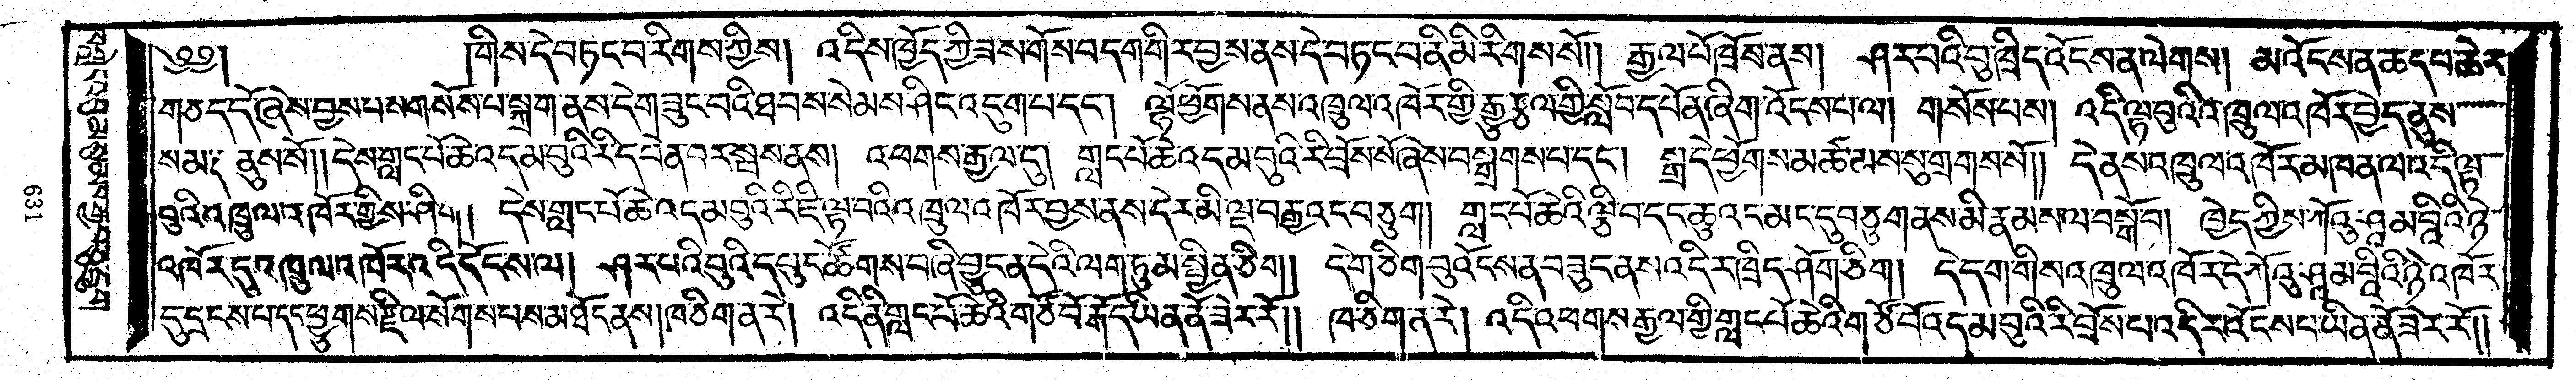༄༅། །གིས་དེ་བཏང་བ་རིགས་ཀྱིས། འདིས་ཁྱོད་ཀྱི་ཟས་གོས་བདག་གིར་བྱས་ནས་དེ་བཏང་བ་ནི་མི་རིགས་སོ།། རྒྱལ་པོ་ཁྲོས་ནས། ཤར་བའི་བུ་ཁྲིད་འོངས་ན་ལེགས། མ་འོངས་ན་ཆད་པ་ཆེར་
གཅད་དོ་ཞེས་བྱས་པས་གསོས་པ་སྐྲག་ནས་དེ་གཟུང་བའི་ཐབས་སེམས་ཤིང་འདུག་པ་དང་། ལྷོ་ཕྱོགས་ནས་འཁྲུལ་འཁོར་གྱི་རྒྱུ་རྩལ་གྱི་སློབ་དཔོན་ཞིག་འོངས་པ་ལ། གསོས་པས། འདི་ལྟ་བུའི་འཁྲུལ་འཁོར་བྱེད་ནུས་
སམ༑ ནུས་སོ། །དེས་གླང་པོ་ཆེ་འདམ་བུའི་རི་དཔེན་བར་སྦས་ནས། འཕགས་རྒྱལ་དུ། གླང་པོ་ཆེ་འདམ་བུའི་རི་བྲོས་སོ་ཞེས་བསྒྲགས་པ་དང་། སྒྲ་དེ་ཕྱོགས་མཚམས་སུ་གྲགས་སོ།། དེ་ནས་འཁྲུལ་འཁོར་མཁན་ལ་འདི་ལྟ་
བུའི་འཁྲུལ་འཁོར་གྱིས་ཤིག། དེས་གླང་པོ་ཆེ་འདམ་བུའི་རི་ཇི་ལྟ་བའི་འཁྲུལ་འཁོར་བྱས་ནས་དེར་མི་ལྔ་བརྒྱའང་བཅུག། གླང་པོ་ཆེའི་ལྕི་བ་དང་ཆུའང་མང་དུ་བཅུག་ནས་མི་རྣམས་ལ་བསྒོ་བ། ཁྱེད་ཀྱིས་ཀོའུ་ཤཱམ་བཱིའི་ཉེ་
འཁོར་དུ་འཁྲུལ་འཁོར་འདི་དོང་ས་ལ། ཤར་པའི་བུའི་དཔུང་ཚོགས་བཞི་བྱུང་ན་དེའི་ལག་ཏུ་མ་སྦྱིན་ཅིག། དེ་གཅིག་བུ་འོངས་ན་བཟུང་ནས་འདིར་ཁྲིད་ཤོག་ཅིག། དེ་དག་གིས་འཁྲུལ་འཁོར་དེ་ཀོའུ་ཤཱམ་བཱིའི་ཉེ་འཁོར་
དུ་དྲངས་པ་དང་ཕྱུགས་རྫི་ལ་སོགས་པས་མཐོང་ནས། ཁ་ཅིག་ན་རེ། འདི་ནི་གླང་པོ་ཆེའི་གཙོ་བོ་རྒོད་ཡིན་ནོ་ཟེར་རོ།། ཁ་ཅིག་ན་རེ། འདི་འཕགས་རྒྱལ་གྱི་གླང་པོ་ཆེའི་གཙོ་བོ་འདམ་བུའི་རི་བྲོས་པ་འདིར་འོངས་པ་ཡིན་ནོ་ཟེར་རོ།།